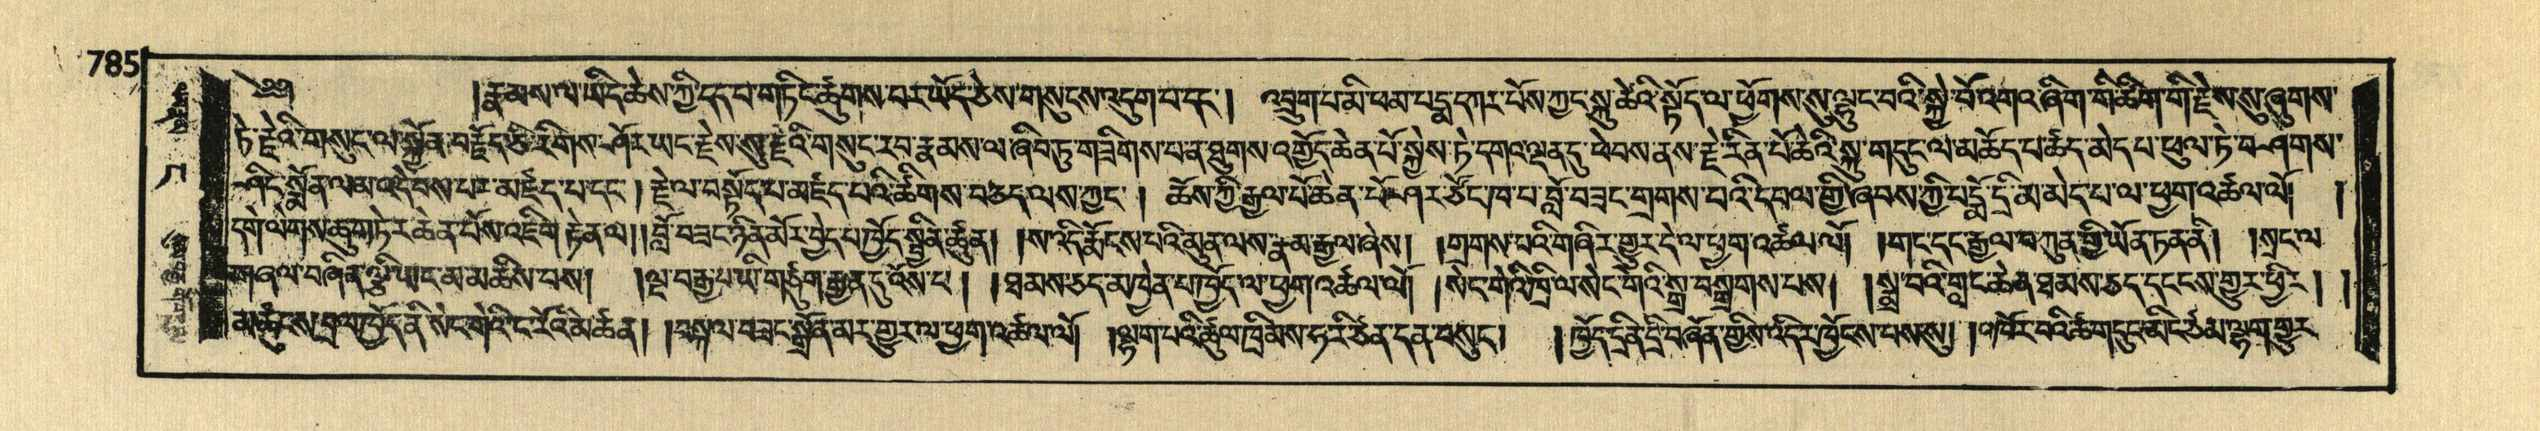༄༅། །རྣམས་ལ་ཡིད་ཆེས་ཀྱི་དད་པ་གཏིང་ཚུགས་བར་ཡོད་ཅེས་གསུངས་འདུག་པ་དང་། འབྲུག་པ་མི་ཕམ་པདམ་དཀར་པོས་ཀྱང་སྐུ་ཚེའི་སྟོད་ལ་ཕྱོགས་སུ་ལྷུང་བའི་སྐྱེ་བོ་འགའ་ཞིག་གི་ཚིག་གི་རྗེས་སུ་ཞུགས་
ཏེ་རྗེའི་གསུང་ལ་སྐྱོན་བརྗོད་ཅི་རིགས་ཤོར་ཡང་རྗེས་སུ་རྗེའི་གསུང་རབ་རྣམས་ལ་ཞིབ་ཏུ་གཟིགས་པ་ན་ཐུགས་འགྱོད་ཆེན་པོ་སྐྱེས་ཏེ་དགའ་ལྡན་དུ་ཕེབས་ནས་རྗེ་རིན་པོ་ཆེའི་སྐུ་གདུང་ལ་མཆོད་པ་ཚད་མེད་པ་ཕུལ་ཏེ་བཤགས་
ཤིང་སྨོན་ལམ་འདེབས་པར་མཛད་པ་དང་། རྗེ་ལ་བསྟོད་པ་མཛད་པའི་ཚིགས་བཅད་ལས་ཀྱང་། ཆོས་ཀྱི་རྒྱལ་པོ་ཆེན་པོ་ཤར་ཙོང་ཁ་པ་བློ་བཟང་གྲགས་པའི་དབལ་གྱི་ཞབས་ཀྱི་པདམོ་དྲི་མ་མེད་པ་ལ་ཕྱག་འཚལ་ལོ། །
དགེ་ལེགས་ཆུ་གཏེར་ཆེན་པོས་འཇིག་རྟེན་ལ། །བློ་བཟང་ཉིན་མོར་བྱེད་པ་ཁྱོད་སྦྱིན་ཚུན། །ས་འདི་རྨོངས་པའི་མུན་ལས་རྣམ་རྒྱལ་ཞེས། །གྲགས་པའི་གཞིར་གྱུར་དེ་ལ་ཕྱག་འཚལ་ལོ། །གང་དང་རྒྱལ་བ་ཀུན་གྱི་ཡོན་ཏན་ནི། །སྲང་ལ་
གཞལ་བཞིན་ལྕི་ཡང་མ་མཆིས་བས། །ལྔ་བརྒྱ་པ་ཡི་གཙུག་རྒྱན་དུ་འོས་པ། །ཐམས་ཅད་མཁྱེན་པ་ཁྱོད་ལ་ཕྱག་འཚལ་ལོ། །སེང་གེའི་ཁྲི་ལ་སེང་གེའི་སྒྲ་བསྒྲགས་པས། །སྨྲ་བའི་གླང་ཆེན་ཐམས་ཅད་དངངས་གྱུར་ཕྱིར། །
མཚུངས་བྲལ་ཁྱོད་ནི་སེང་གེའི་ང་རོའི་མཚན། །བསྐལ་བཟང་སྒྲོན་མར་གྱུར་ལ་ཕྱག་འཚལ་ལོ། །ལྷག་པའི་ཚུལ་ཁྲིམས་ཧ་རི་ཙན་དན་བསུང་། །ཁྱོད་དྲིན་དྲི་བཞོན་གྱིས་འདིར་ཁྱོངས་པས་སུ། །འཁོར་བའི་ཚ་གདུང་མིང་ཙམ་ལྷག་གྱུར་